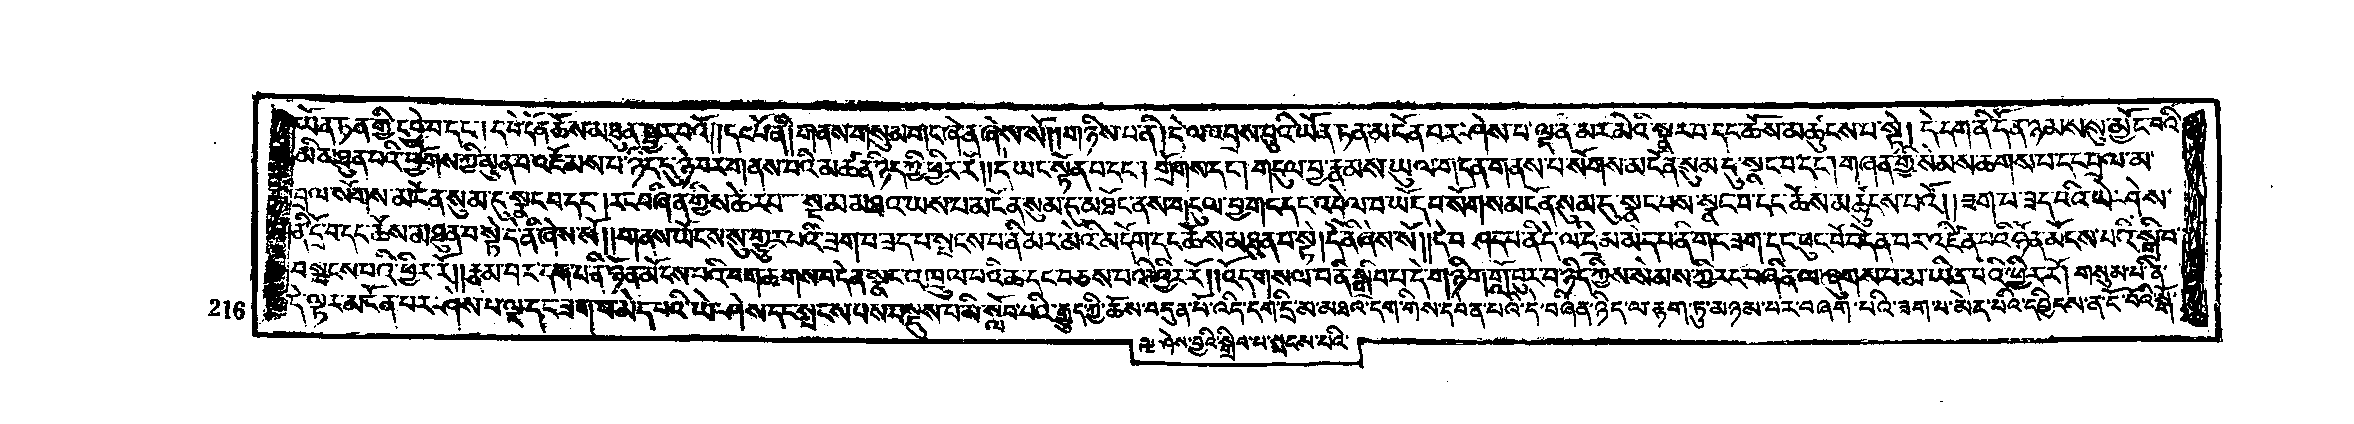ཡོན་ཏན་གྱི་དབྱེ་བ་དང་། དཔེ་དོན་ཆོས་མཐུན་སྦྱར་བའོ། །དང་པོ་ནི། གནས་གསུམ་གང་ཞེ་ན་ཞེས་སོ། །གཉིས་པ་ནི། དེ་ལ་འབྲས་བུའི་ཡོན་ཏན་མངོན་པར་ཤེས་པ་ལྡན་མར་མེའི་སྣང་བ་དང་ཆོས་མཚུངས་པ་སྟེ། དེ་དག་ནི་དོན་ཉམས་སུ་མྱོང་བའི་
མི་མཐུན་པའི་ཕྱོགས་ཀྱི་མུན་པ་འཇོམས་པ་ཉིད་དུ་ཉེར་བར་གནས་པའི་མཚན་ཉིད་ཀྱི་ཕྱིར་རོ། །དེ་ཡང་སྟོན་པ་དང་། གྲོགས་དང་། གདུལ་བྱ་རྣམས་ཡུལ་གདན་གནས་པ་སོགས་མངོན་སུམ་དུ་སྣང་བ་དང་། གཞན་གྱི་སེམས་ཆགས་པ་དང་བྲལ་མ་
བྲལ་སོགས་མངོན་སུམ་དུ་སྣང་བ་དང་། རང་བཞིན་གྱིས་ཚེ་རབ་སྔ་མ་མཐའ་ཡས་པ་མངོན་སུམ་དུ་མཐོང་ནས་གདུལ་བྱ་གང་དང་འབྲེལ་པ་ཡོད་པ་སོགས་མངོན་སུམ་དུ་སྣང་བས་སྣང་བ་དང་ཆོས་མཚུངས་པའོ། །ཟག་པ་ཟད་པའི་ཡེ་ཤེས་
ནི་དྲོ་བ་དང་ཆོས་མཐུན་པ་སྟེ་དེ་ནི་ཞེས་སོ། །གནས་ཡོངས་སུ་གྱུར་པའི་ཟག་པ་ཟད་པ་སྤངས་པ་ནི་མར་མེའི་མདོག་དང་ཆོས་མཐུན་པ་སྟེ། དེ་ནི་ཞེས་སོ། །དེ་བཤད་པ་ནི་དེ་ལ་དྲི་མ་མེད་པ་ནི་གང་ཟག་དང་ཕུང་པོ་བདེན་པར་འཛིན་པའི་ཉོན་མོངས་པའི་སྒྲིབ་
པ་སྤངས་པའི་ཕྱིར་རོ། །རྣམ་པར་དག་པ་ནི་ཉོན་མོངས་པའི་བག་ཆགས་བདེན་སྣང་འཁྲུལ་པའི་ཆ་དང་བཅས་པའི་ཕྱིར་རོ། །འོད་གསལ་བ་ནི་སྒྲིབ་པ་དེ་གཉི་ག་གློ་བུར་བ་ཉིད་ཀྱིས་སེམས་ཀྱི་རང་བཞིན་ལ་ཞུགས་པ་མ་ཡིན་པའི་ཕྱིར་རོ། །གསུམ་པ་ནི་
དེ་ལྟར་མངོན་པར་ཤེས་པ་ལྔ་དང་ཟག་པ་མེད་པའི་ཡེ་ཤེས་དང་སྤངས་པས་བསྡུས་པ་མི་སློབ་པའི་རྒྱུད་ཀྱི་ཆོས་བདུན་པོ་འདི་དག་དྲི་མ་མཐའ་དག་གིས་དབེན་པའི་དེ་བཞིན་ཉིད་ལ་རྟག་ཏུ་མཉམ་པར་བཞག་པའི་ཟག་པ་མེད་པའི་དབྱིངས་ན་ངོ་བོའི་སྒོ་